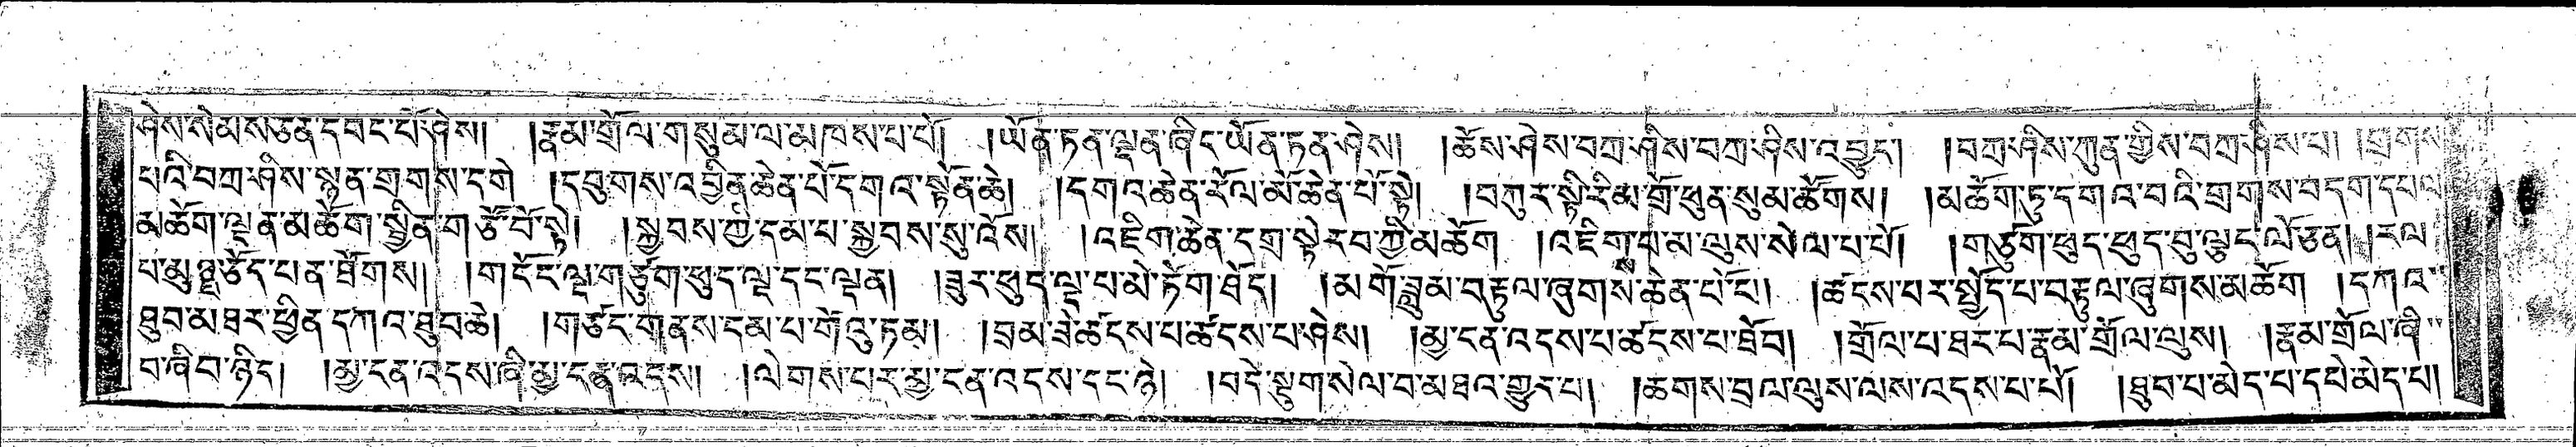ཤེས་སེམས་ཅན་དབང་པོ་ཤེས། །རྣམ་གྲོལ་གསུམ་ལ་མཁས་པ་པོ། །ཡོན་ཏན་ལྡན་ཞིང་ཡོན་ཏན་ཤེས། །ཆོས་ཤེས་བཀྲ་ཤིས་བཀྲ་ཤིས་འབྱུང་། །བཀྲ་ཤིས་ཀུན་གྱིས་བཀྲ་ཤིས་པ། །གྲགས་
པའི་བཀྲ་ཤིས་སྙན་གྲགས་དགེ །དབུགས་འབྱིན་ཆེན་པོ་དགའ་སྟོན་ཆེ། །དགའ་ཆེན་རོལ་མོ་ཆེན་པོ་སྟེ། །བཀུར་སྟི་རིམ་གྲོ་ཕུན་སུམ་ཚོགས། །མཆོག་ཏུ་དགའ་བའི་གྲགས་བདག་དཔལ་
མཆོག་ལྡན་མཆོག་སྦྱིན་གཙོ་བོ་སྟེ། །སྐྱབས་ཀྱི་དམ་པ་སྐྱབས་སུ་འོས། །འཇིག་ཆེན་དགྲ་སྟེ་རབ་ཀྱི་མཆོག །འཇིགས་པ་མ་ལུས་སེལ་པ་པོ། །གཙུག་ཕུད་ཕུད་བུ་ལྕང་ལོ་ཅན། །རལ་
པ་མུཉྫ་ཅོད་པན་ཐོགས། །གདོང་ལྔ་གཙུག་ཕུད་ལྔ་དང་ལྡན། །ཟུར་ཕུད་ལྔ་པ་མེ་ཏོག་ཐོང་། །མགོ་ཟླུམ་བརྟུལ་ཞུགས་ཆེན་པོ་པ། །ཚངས་པར་སྤྱོད་པ་བརྟུལ་ཞུགས་མཆོག །དཀའ་
ཐུབ་མཐར་ཕྱིན་དཀའ་ཐུབ་ཆེ། །གཙང་གནས་དམ་པ་གོའུ་ཏམ། །བྲམ་ཟེ་ཚངས་པ་ཚངས་པ་ཤེས། །མྱ་ངན་འདས་པ་ཚངས་པ་ཐོབ། །གྲོལ་པ་ཐར་པ་རྣམ་གྲོལ་ལུས། །རྣམ་གྲོལ་ཞི་
བ་ཞིབ་ཉིད། །མྱ་ངན་འདས་ཞི་མྱ་ངན་འདས། །ལེགས་པར་མྱ་ངན་འདས་དང་ཉེ། །བདེ་སྡུག་སེལ་བ་མཐའ་གྱུར་པ། །ཆགས་བྲལ་ལུས་ལས་འདས་པ་པོ། །ཐུབ་པ་མེད་པ་དཔེ་མེད་པ།